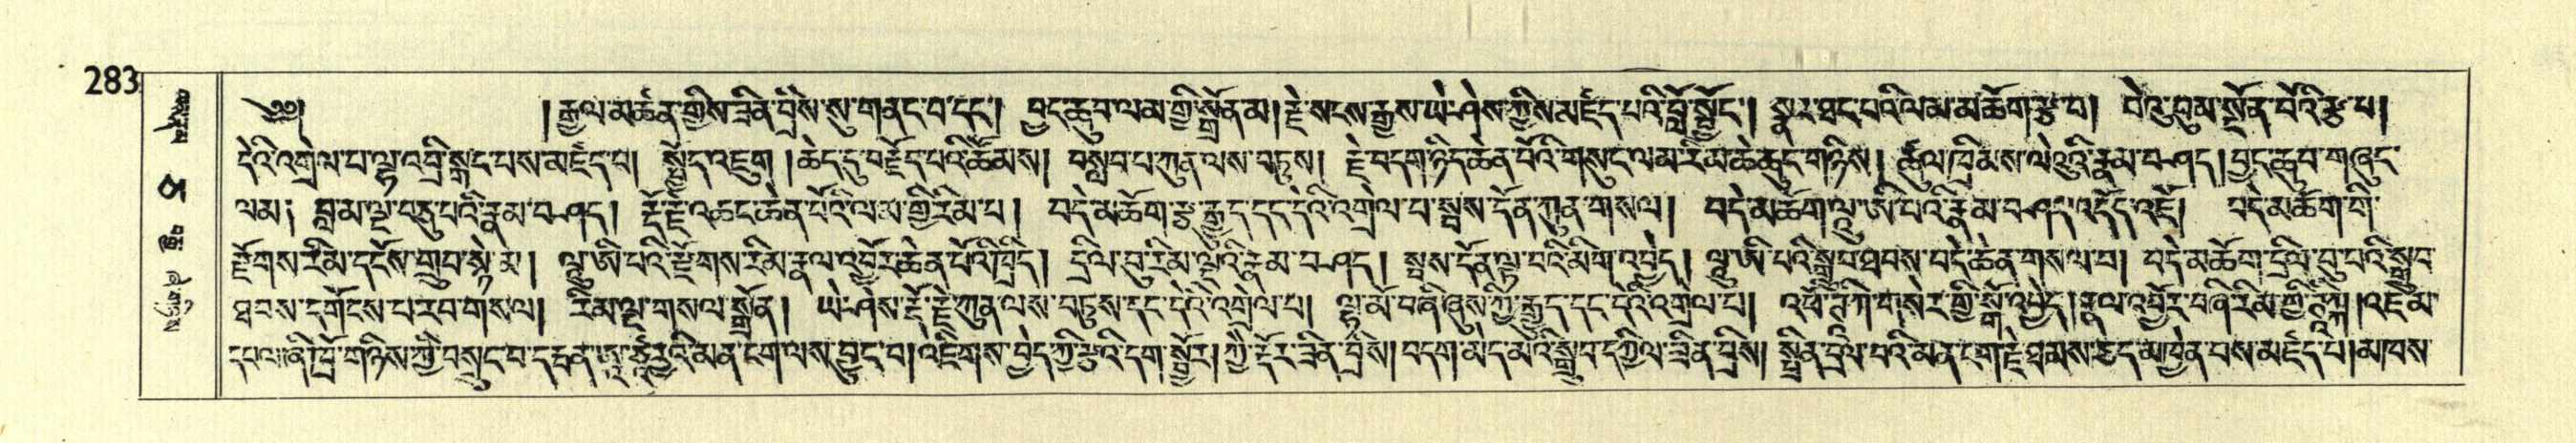༄༅། །རྒྱལ་མཚན་གྱིས་ཟིན་བྲིས་སུ་གནང་བ་དང་། བྱང་ཆུབ་ལམ་གྱི་སྒྲོན་མ། རྗེ་སངས་རྒྱས་ཡེ་ཤེས་ཀྱིས་མཛད་པའི་བློ་སྦྱོང་། སྣར་ཐང་བའི་ལམ་མཆོག་རྩ་བ། བེའུ་བུམ་སྔོན་པོའི་རྩ་པ།
དེའི་འགྲེལ་པ་ལྷ་འབྲི་སྒང་པས་མཛད་པ། སྤྱོད་འཇུག །ཆེད་དུ་བརྗོད་པའི་ཚོམས། བསླབ་པ་ཀུན་ལས་བཏུས། རྗེ་བདག་ཉིད་ཆེན་པོའི་གསུང་ལམ་རིམ་ཆེ་ཆུང་གཉིས། ཚུལ་ཁྲིམས་ལེའུའི་རྣམ་བཤད། བྱང་ཆུབ་གཞུང་
ལམ༑ བླ་མ་ལྔ་བཅུ་པའི་རྣམ་བཤད། རྡོ་རྗེ་འཆང་ཆེན་པོའི་ལམ་གྱི་རིམ་པ། བདེ་མཆོག་རྩ་རྒྱུད་དང་དེའི་འགྲེལ་པ་སྤས་དོན་ཀུན་གསལ། བདེ་མཆོག་ལཱུ་ཨི་པའི་རྣམ་བཤད་འདོད་འཇོ། བདེ་མཆོག་གི་
རྫོགས་རིམ་དངོས་གྲུབ་སྙེ་མ། ལཱུ་ཨི་པའི་རྫོགས་རིམ་རྣལ་འབྱོར་ཆེན་པོའི་ཁྲིད། དྲིལ་བུ་རིན་ལྔའི་རྣམ་བཤད། སྦས་དོན་ལྟ་བའི་མིག་འབྱེད། ལཱུ་ཨི་པའི་སྒྲུབ་ཐབས་བདེ་ཆེན་གསལ་པ། བདེ་མཆོག་དྲིལ་བུ་པའི་སྒྲུབ་
ཐབས་དགོངས་པ་རབ་གསལ། རིམ་ལྔ་གསལ་སྒྲོན། ཡེ་ཤེས་རྡོ་རྗེ་ཀུན་ལས་བཏུས་དང་དེའི་འགྲེལ་པ། ལྷ་མོ་བཞི་ཞུས་ཀྱི་རྒྱུད་དང་དེའི་འགྲེལ་པ། འཕོ་ཊཱ་ཀི་གསེར་གྱི་སྒོ་འཕྱེད། རྣལ་འབྱོར་བཞི་རིམ་གྱི་ཊཱཀྐི། །འཇམ་
དཔལ་ཞི་ཁྲོ་གཉིས་ཀྱི་བསྲུང་བ་དྲྦན་ཨཱ་ཙཱརྱའི་མན་ངག་ལས་བྱུང་བ། འཇིགས་བྱེད་ཀྱི་རྩའི་དག་སྦྱོར། ཀྱཻ་རྡོར་ཟིན་བྲིས། བདག་མེད་མའི་སྒྲུབ་དཀྱིལ་ཟིན་བྲིས། སྤྲིན་དྲིལ་བའི་མན་ངག་རྗེ་ཐམས་ཅད་མཁྱེན་པས་མཛད་པ། མཁས་